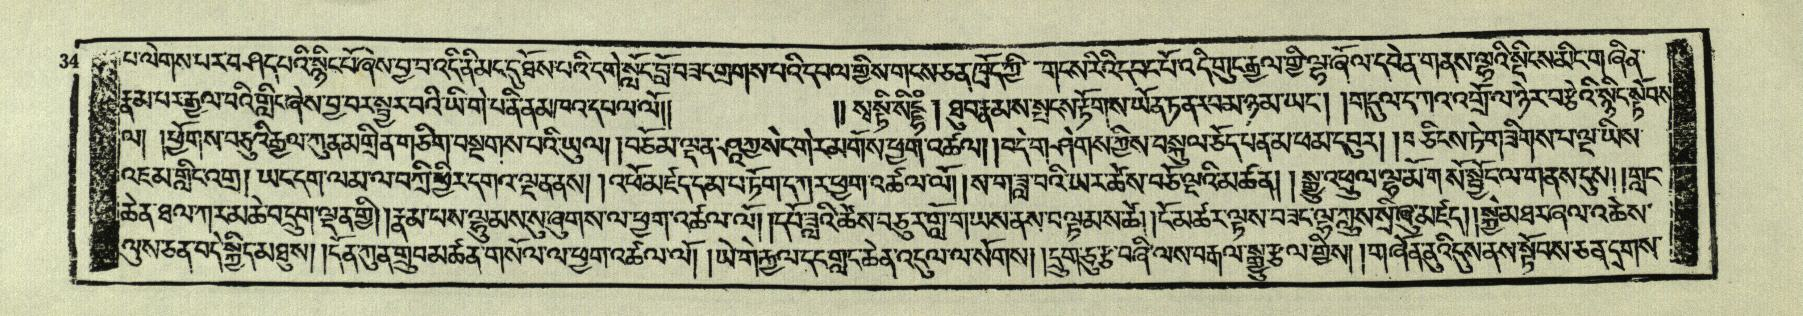པ་ལེགས་པར་བཤད་པའི་སྙིང་པོ་ཞེས་བྱ་བ་འདི་ནི་མང་དུ་ཐོས་པའི་དགེ་སློང་བློ་བཟང་གྲགས་པའི་དཔལ་གྱིས་གངས་ཅན་ཁྱོད་ཀྱི་གངས་རིའི་དབང་པོ་འདི་གུང་རྒྱལ་གྱི་ལྷ་ཞོལ་དབེན་གནས་ལྷའི་སྡིངས་མིང་གཞིན་
རྣམ་པར་རྒྱལ་བའི་གླིང་ཞེས་བྱ་བར་སྦྱར་བའི་ཡི་གེ་པ་ནི་ན་མཁའ་དཔལ་ལོ།། །།སྭསྟི་སིདྡྷཾ། ཐུབ་རྣམས་སྤངས་རྟོགས་ཡོན་ཏན་རབ་མ་ཉམ་ཡང་། །གདུལ་དཀའ་འགྲོ་ལ་ཉེར་བརྩེའི་སྙིང་སྟོབས་
ལ། །ཕྱོགས་བཅུའི་རྒྱལ་ཀུན་མགྲིན་གཅིག་བསྔགས་པའི་ཡུལ། །བཅོམ་ལྡན་ཤཱཀྱ་སེང་གེར་མགོས་ཕྱག་འཚལ། །བདེ་གཤེགས་ཀྱིས་བསྐུལ་ཅོད་པན་མ་ཕམ་དབུར། །བཅིངས་ཏེ་གཟིགས་པ་ལྔ་ཡིས་
འཇམ་གླིང་འགྲ། ཡང་དག་ལམ་ལ་བཀྲི་ཕྱིར་དགའ་ལྡན་ནས། །འཕོ་མཛད་དམ་པ་ཏོག་དཀར་ཕྱག་འཚལ་ལོ། །ས་ག་ཟླ་བའི་ཡར་ཚེས་བཅོ་ལྔའི་མཚན། །སྒྱུ་འཕྲུལ་ལྷ་མོ་གསོ་སྦྱོང་ལ་གནས་དུས། །གླང་
ཆེན་ཐལ་ཀར་མཆེ་བ་དྲུག་ལྡན་གྱི། །རྣམ་པས་ལྷུམས་སུ་ཞུགས་ལ་ཕྱག་འཚལ་ལོ། །དཔོ་ཟླའི་ཚེས་བཅུར་གློ་གཡས་ནས་བལྟམས་ཚེ། །ངོ་མཚར་ལྟས་བཟང་ལྷ་ཀླུས་སྲི་ཞུ་མཛད། །སྐྱེ་མཐར་ཞལ་འཆེས་
ལུས་ཅན་བདེ་སྐྱིད་མཐུས། །དོན་ཀུན་གྲུབ་མཚན་གསོལ་ལ་ཕྱག་འཚལ་ལོ། །ཡེ་གེ་རྒྱལ་དང་གླང་ཆེན་འདུལ་ལ་སོགས། །དྲུག་ཅུ་རྩ་བཞི་ལས་བརྒལ་སྒྱུ་རྩལ་གྱིས། །གཞོན་ནུའི་དུས་ནས་སྟོབས་ཅན་དྲགས་